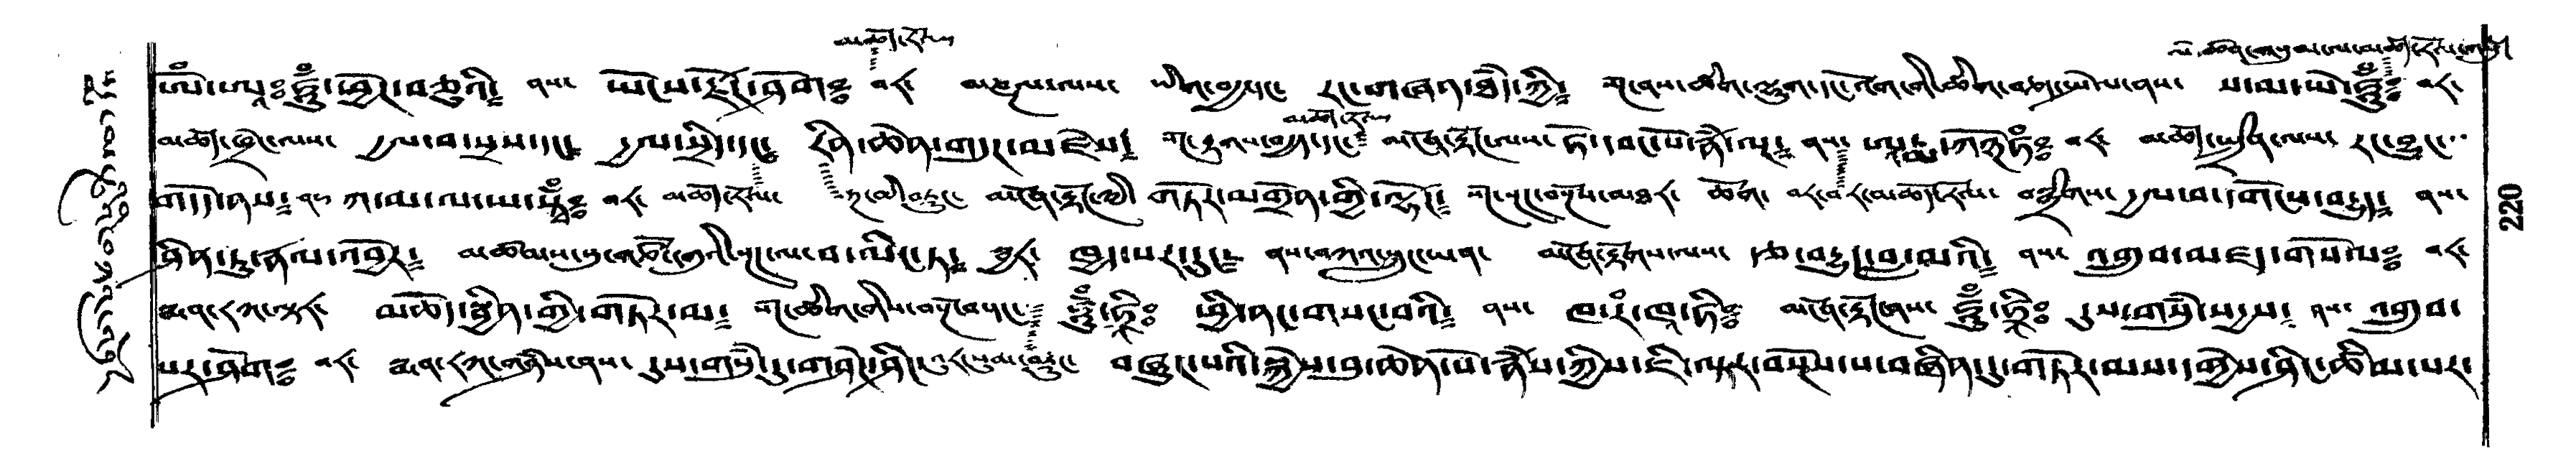ཨོཾ་ཨཱཿཧཱུྃ༔ཕྱོགས་བཅུའི༴ ནས། ཡོངས་རྫོགས་ཤོག༔ བར། མཎྜལ། ཡིག་བརྒྱ་དང་། རང་གཞན་ཐམས་ཅད་ཀྱི༴ སོགས་ནས་ཚིག་ལྷུག་དང་འོག་གི་ཚིག་བཅད་སྤེལ་ནས། ས་མ་ཡེ་ཧཱུྃ༔ བར། 
མཆོད་ཕྲེང་ལས། རྒྱལ་བ་སྲས་དང༴ རྒྱལ་སྲིད༴ རིན་ཆེན་གདུགས་མཛེས༴ སོགས་རྟགས་བརྒྱད་དང་། མངོན་རྟོགས་ལས། ཧོཿདབང་པོ་རྣམ་ལྔ༴ ནས། ཨཱཏྨ་ཀོ྅་ཧཾ༔ བར། མཆོད་སྤྲིན་ལས། རང་བྱུང་
གདོད་ནས༴ ནས། ཀ་མ་ལ་ཡ་སྟྭྃ༔ བར། མངོན་རྟོགས་ཀྱི། གཏོར་མགྲོན་གྱི་ལྷ་ཚོགས༴ སོགས་སྔགས་བསྔོས་མཐར། ཆོག་བསྒྲིགས། རྒྱལ་བ་དགོངས་བརྒྱུད༴ ནས། 
ཤིན་ཏུ་རྣལ་འབྱོར༴ མཚམས་སུ་གཙོ་དགུའི་སྔགས་ལ། བ་ལིང་ཏ༴ སྦྱར། ཁྱད་པར་དུ༴ ནས་བཀའ་སྲུང་ཡན། མངོན་རྟོགས་ལས། རྩ་བརྒྱུད་བླ་མའི༴ ནས། འགྲུབ་མཛད་གསོལ༔ བར་
སྨན་རཀ་ལྟར། མཆོད་སྦྱིན་གྱི་གཏོར་མ༴ སོགས་ཚིག་གིས་བསྔོ་བ་དང་། ཧཱུྃ་ཧྲཱི༔ ཕྱི་ནང་གསང་བའི༴ ནས། ཁ་རཾ་ཁཱ་ཧི༔ མངོན་རྟོགས་ནས། ཧཱུྃ་ཧྲཱི༔ དུས་གསུམ་སངས་རྒྱས༴ ནས། འགྲུབ་
པར་ཤོག༔ བར། སྨན་རཀ་བཤམས་ནས། དུས་གསུམ་དུ་གཤེགས་ཤིང་བཞུགས་པའི་སྐྱེས་བུ་ཆེན་པོ་རྣམས་ཀྱིས་ཇི་ལྟར་བསྔོས་པ་བཞིན་དུ་གཏོར་མས་དགྱེས་ཤིང་ཚིམ་པར་